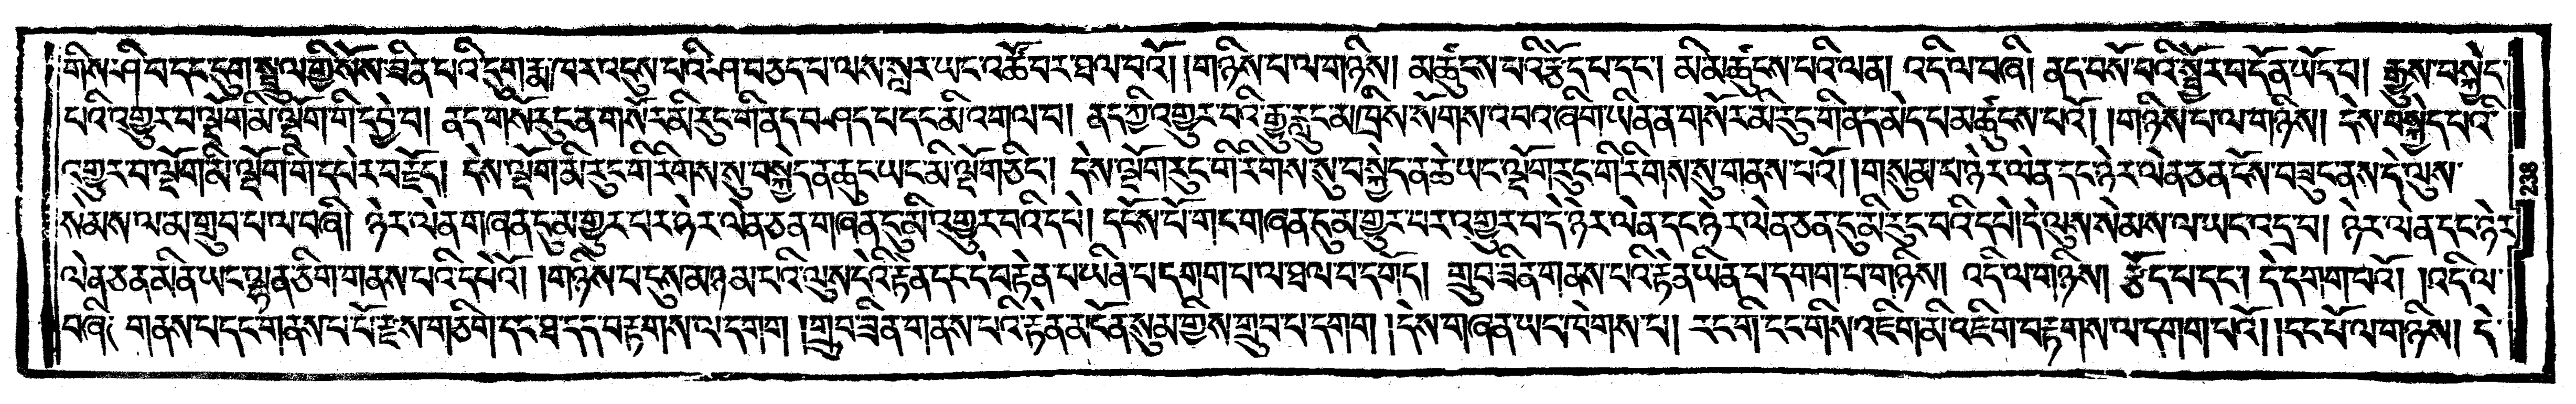གིས་ཤི་བ་དང་དུག་སྦྲུལ་གྱི་སོས་ཟིན་པའི་དུག་རྨ་ཁར་འདུས་པའི་ཤ་བཅད་པ་ལས་སླར་ཡང་འཚོ་བར་ཐལ་བའོ། །གཉིས་པ་ལ་གཉིས། མཚུངས་པའི་རྩོད་པ་དང་། མི་མཚུངས་པའི་ལན། འདི་ལ་བཞི། ནད་བསོ་བའི་སྦྱོར་བ་དོན་ཡོད་པ། རྒྱུས་བསྐྱེད་
པའི་འགྱུར་བ་ལྡོག་མི་ལྡོག་གི་དབྱེ་བ། ནད་གསོ་རུང་ན་གསོར་མི་རུང་གི་ནད་བཤད་པ་དང་མི་འགལ་བ། ནད་ཀྱི་འགྱུར་བའི་རྒྱུ་རླུང་མཁྲིས་སོགས་འབའ་ཞིག་ཡིན་ན་གསོར་མི་རུང་གི་ནད་མེད་པ་མཚུངས་པའོ། །གཉིས་པ་ལ་གཉིས། དེས་བསྐྱེད་པའི་
འགྱུར་བ་ལྡོག་མི་ལྡོག་གི་དཔེར་བརྗོད། དེས་ལྡོག་མི་རུང་གི་རིགས་སུ་བསྐྱེད་ན་ཆུང་ཡང་མི་ལྡོག་ཅིང་། དེས་ལྡོག་རུང་གི་རིགས་སུ་བསྐྱེད་ན་ཆེ་ཡང་ལྡོག་རུང་གི་རིགས་སུ་གནས་པའོ། །གསུམ་པ་ཉེར་ལེན་དང་ཉེར་ལེན་ཅན་ངོས་བཟུང་ནས་དེ་ལུས་
སེམས་ལ་མ་གྲུབ་པ་ལ་བཞི། ཉེར་ལེན་གཞན་དུ་མ་གྱུར་པར་ཉེར་ལེན་ཅན་གཞན་དུ་མི་འགྱུར་བའི་དཔེ། དངོས་པོ་གང་གཞན་དུ་མ་གྱུར་པར་འགྱུར་བ་དེ་ཉེར་ལེན་དང་ཉེར་ལེན་ཅན་དུ་མི་རུང་བའི་དཔེ། དེ་ལུས་སེམས་ལ་ཡང་འདྲ་བ། ཉེར་ལེན་དང་ཉེར་
ལེན་ཅན་མིན་ཡང་ལྷན་ཅིག་གནས་པའི་དཔེའོ། །གཉིས་པ་དུས་མཉམ་པའི་ལུས་དེའི་རྟེན་དང་དེ་བརྟེན་པ་ཡིན་པ་དགག་པ་ལ་ཐལ་བ་དགོད། གྲུབ་ཟིན་གནས་པའི་རྟེན་ཡིན་པ་དགག་པ་གཉིས། འདི་ལ་གཉིས། རྩོད་པ་དང་། དེ་དགག་པའོ། །འདི་ལ་
བཞི། གནས་པ་དང་གནས་པ་པོ་རྫས་གཅིག་དང་ཐ་དད་བརྟགས་ལ་དགག །གྲུབ་ཟིན་གནས་པའི་རྟེན་མངོན་སུམ་གྱིས་གྲུབ་པ་དགག །དེས་གཞན་ཡང་ཁེགས་པ། རང་གི་ངང་གིས་འཇིག་མི་འཇིག་བརྟགས་ལ་དགག་པའོ། །དང་པོ་ལ་གཉིས། དེ་